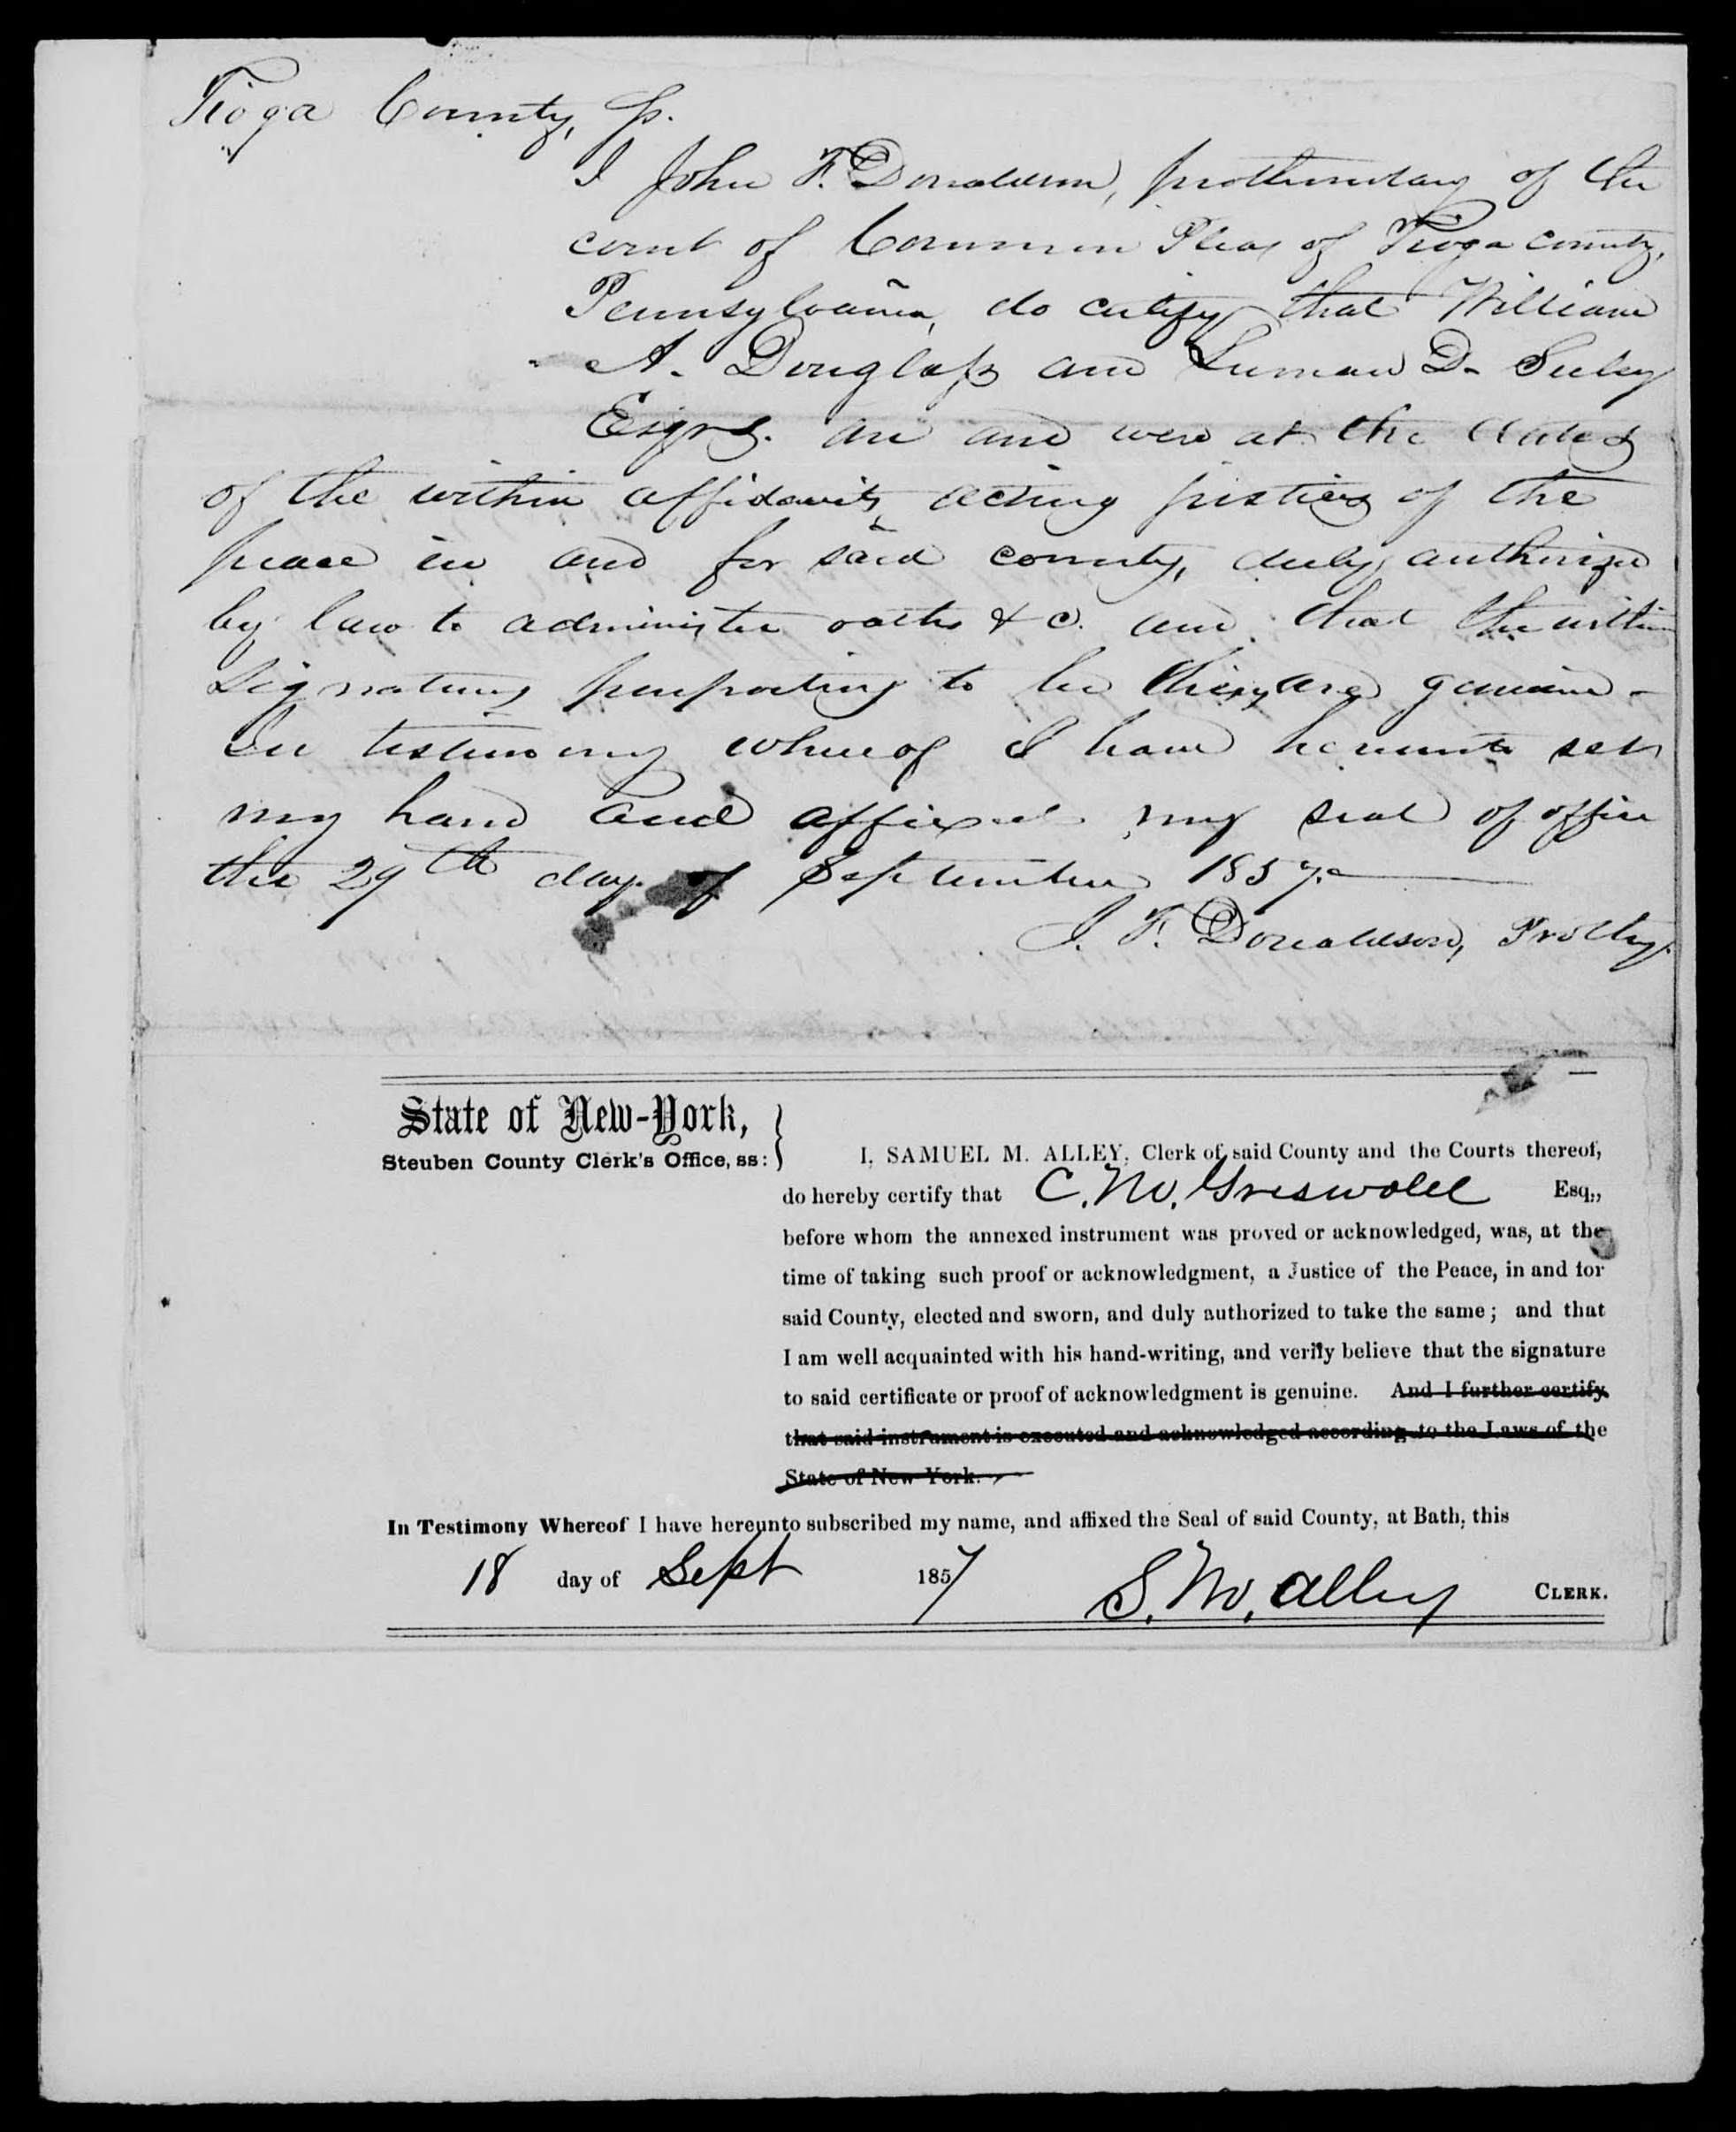Tioga County, P.
I John F. Donaldson, prothonotary [?] of the Court of Common Pleas of Tioga County, Pennsylvania do certify that William A. Douglss and Suman D. Seeley Esqrs are and were at the date of the within affidavits acting justices of the peace in and for said county, duly authorized by law to administer oaths etc. and that the written signatures purporting to be them are genuine - In testimony whereof I have herewith set my hand and affixed my seal of office this 29th day of September 1857. J.F. Donaldson, Prothony.

State of New-York,
Steuben County Clerk's Office, ss:
I, SAMUEL M. ALLEY, Clerk of said County and the Courts thereof, do hereby certify that C.M.  Griswold Esq., before whom the annexed instrument was proved or acknowledged, was, at the time of taking such proof or acknowledgement, a Justice of the Peace, in and for said County, elected and sworn, and duly authorized to take the same; and that I am well acquainted with his hand-writing, and verily believe that the signature to said certificate or proof of acknowledgment is genuine.  And I further certify that said instrument is created and acknowledged according to the Laws of the State of New York [this line is crossed out]
In Testimony Whereof I have hereunto subscribed my name, and affixed the Seal of said County, at Bath, this 18 day of Sept 1857 
S.M. Alley [signature] Clerk.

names: William A Douglass, Luman D Seeley, C M Griswold, John F Donaldson, Samuel M Alley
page: 5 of 25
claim: rejected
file: R. 5190, Daniel Howey, New Jersey New York